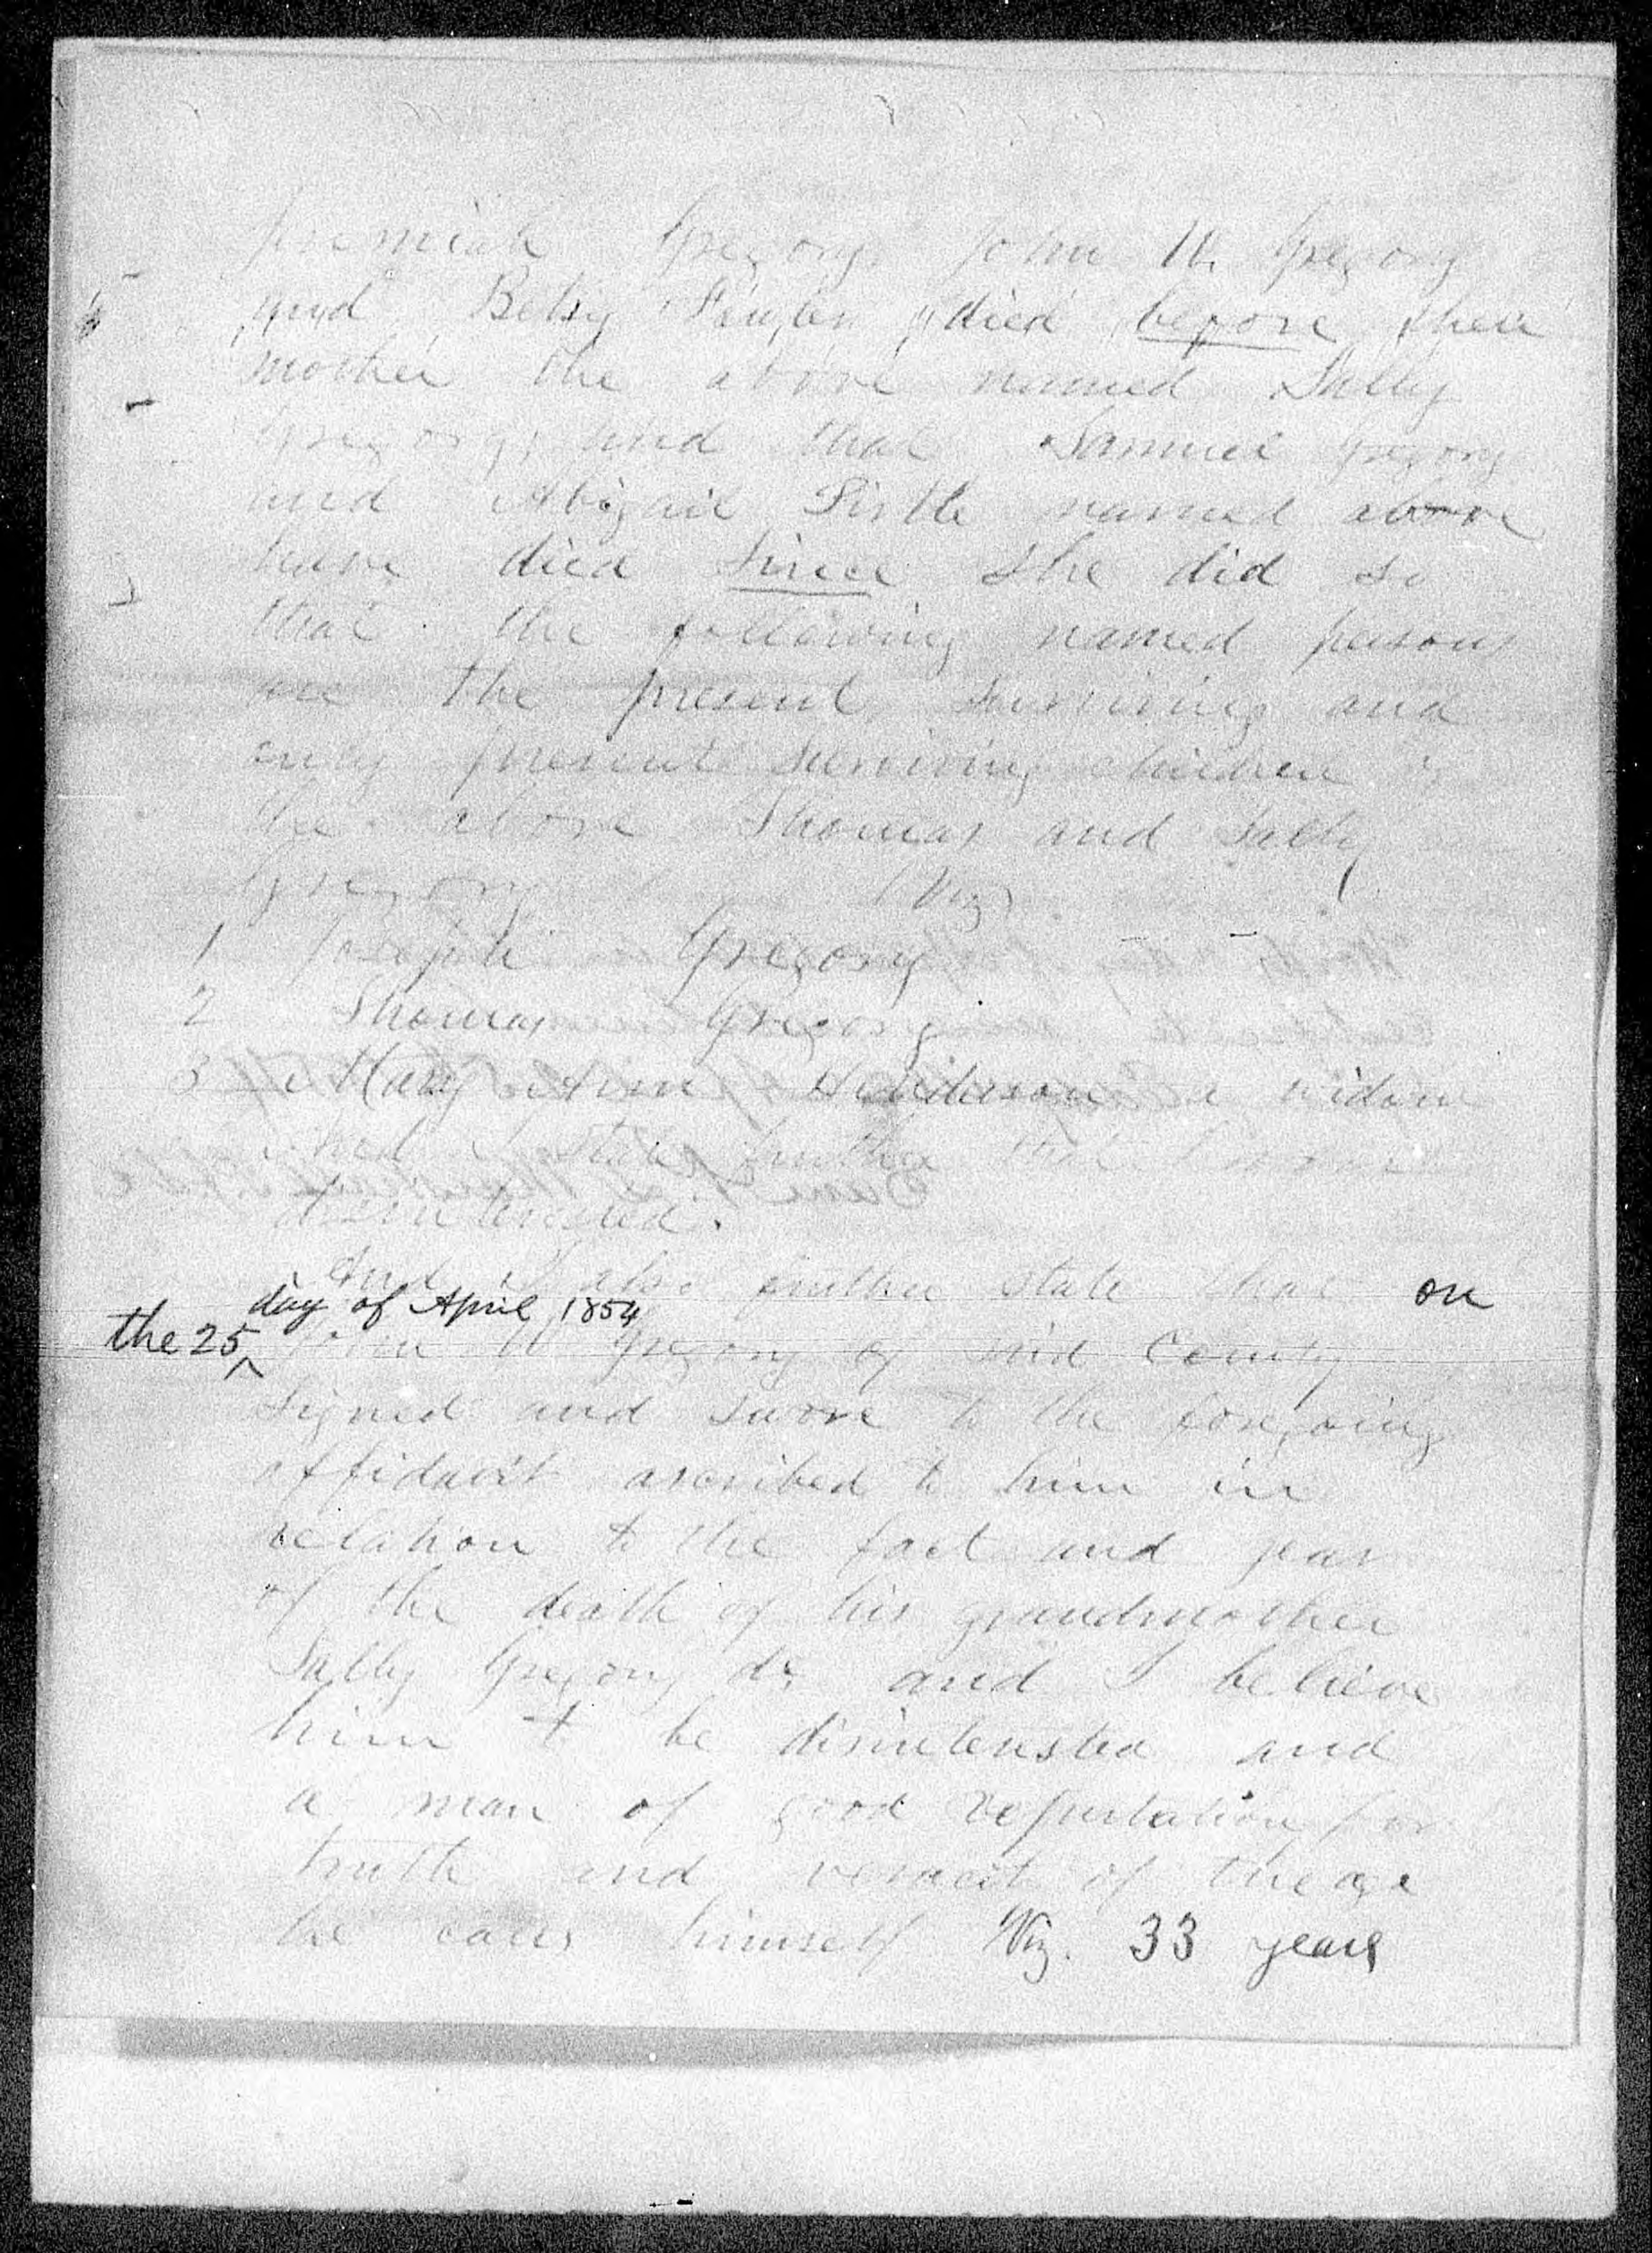Jeremiah Gregory, John W. Gregory and Betsy Fowler died before their mother the above deceased Sally Gregory and that Samuel Gregory and Abigail Pirtle named above have died since she did so that the following named persons are the present surviving and only  present surviving children of the above Thomas and Sally Gregory (Viz)
1 Joseph Gregory
2 Thomas Gregory
3 Mary Ann Henderson widow 
And I state further that [?] disinterested.
And I also further state that on the 25 day of April 1854 John W. Gregory of said County Signed and Sworn to the foregoing affidavit ascribed to him in relation to the fact and year of the death of his grandmother Sally Gregory dc. and I believe him to be disinterested and a man of good reputation for truth and veracity of the age he calls himself Viz. 33 years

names: Samuel Gregory, Sally Gregory, Sally Gregory, Jeremiah Gregory, Abigail Pirtle, Betsy Fowler, Thomas Gregory, Mary Ann Henderson, Joseph Gregory, Sally Gregory, Thomas Gregory, John W Gregory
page: 73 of 75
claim: widow's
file: W. 8876, Thomas Gregory, Continental Va